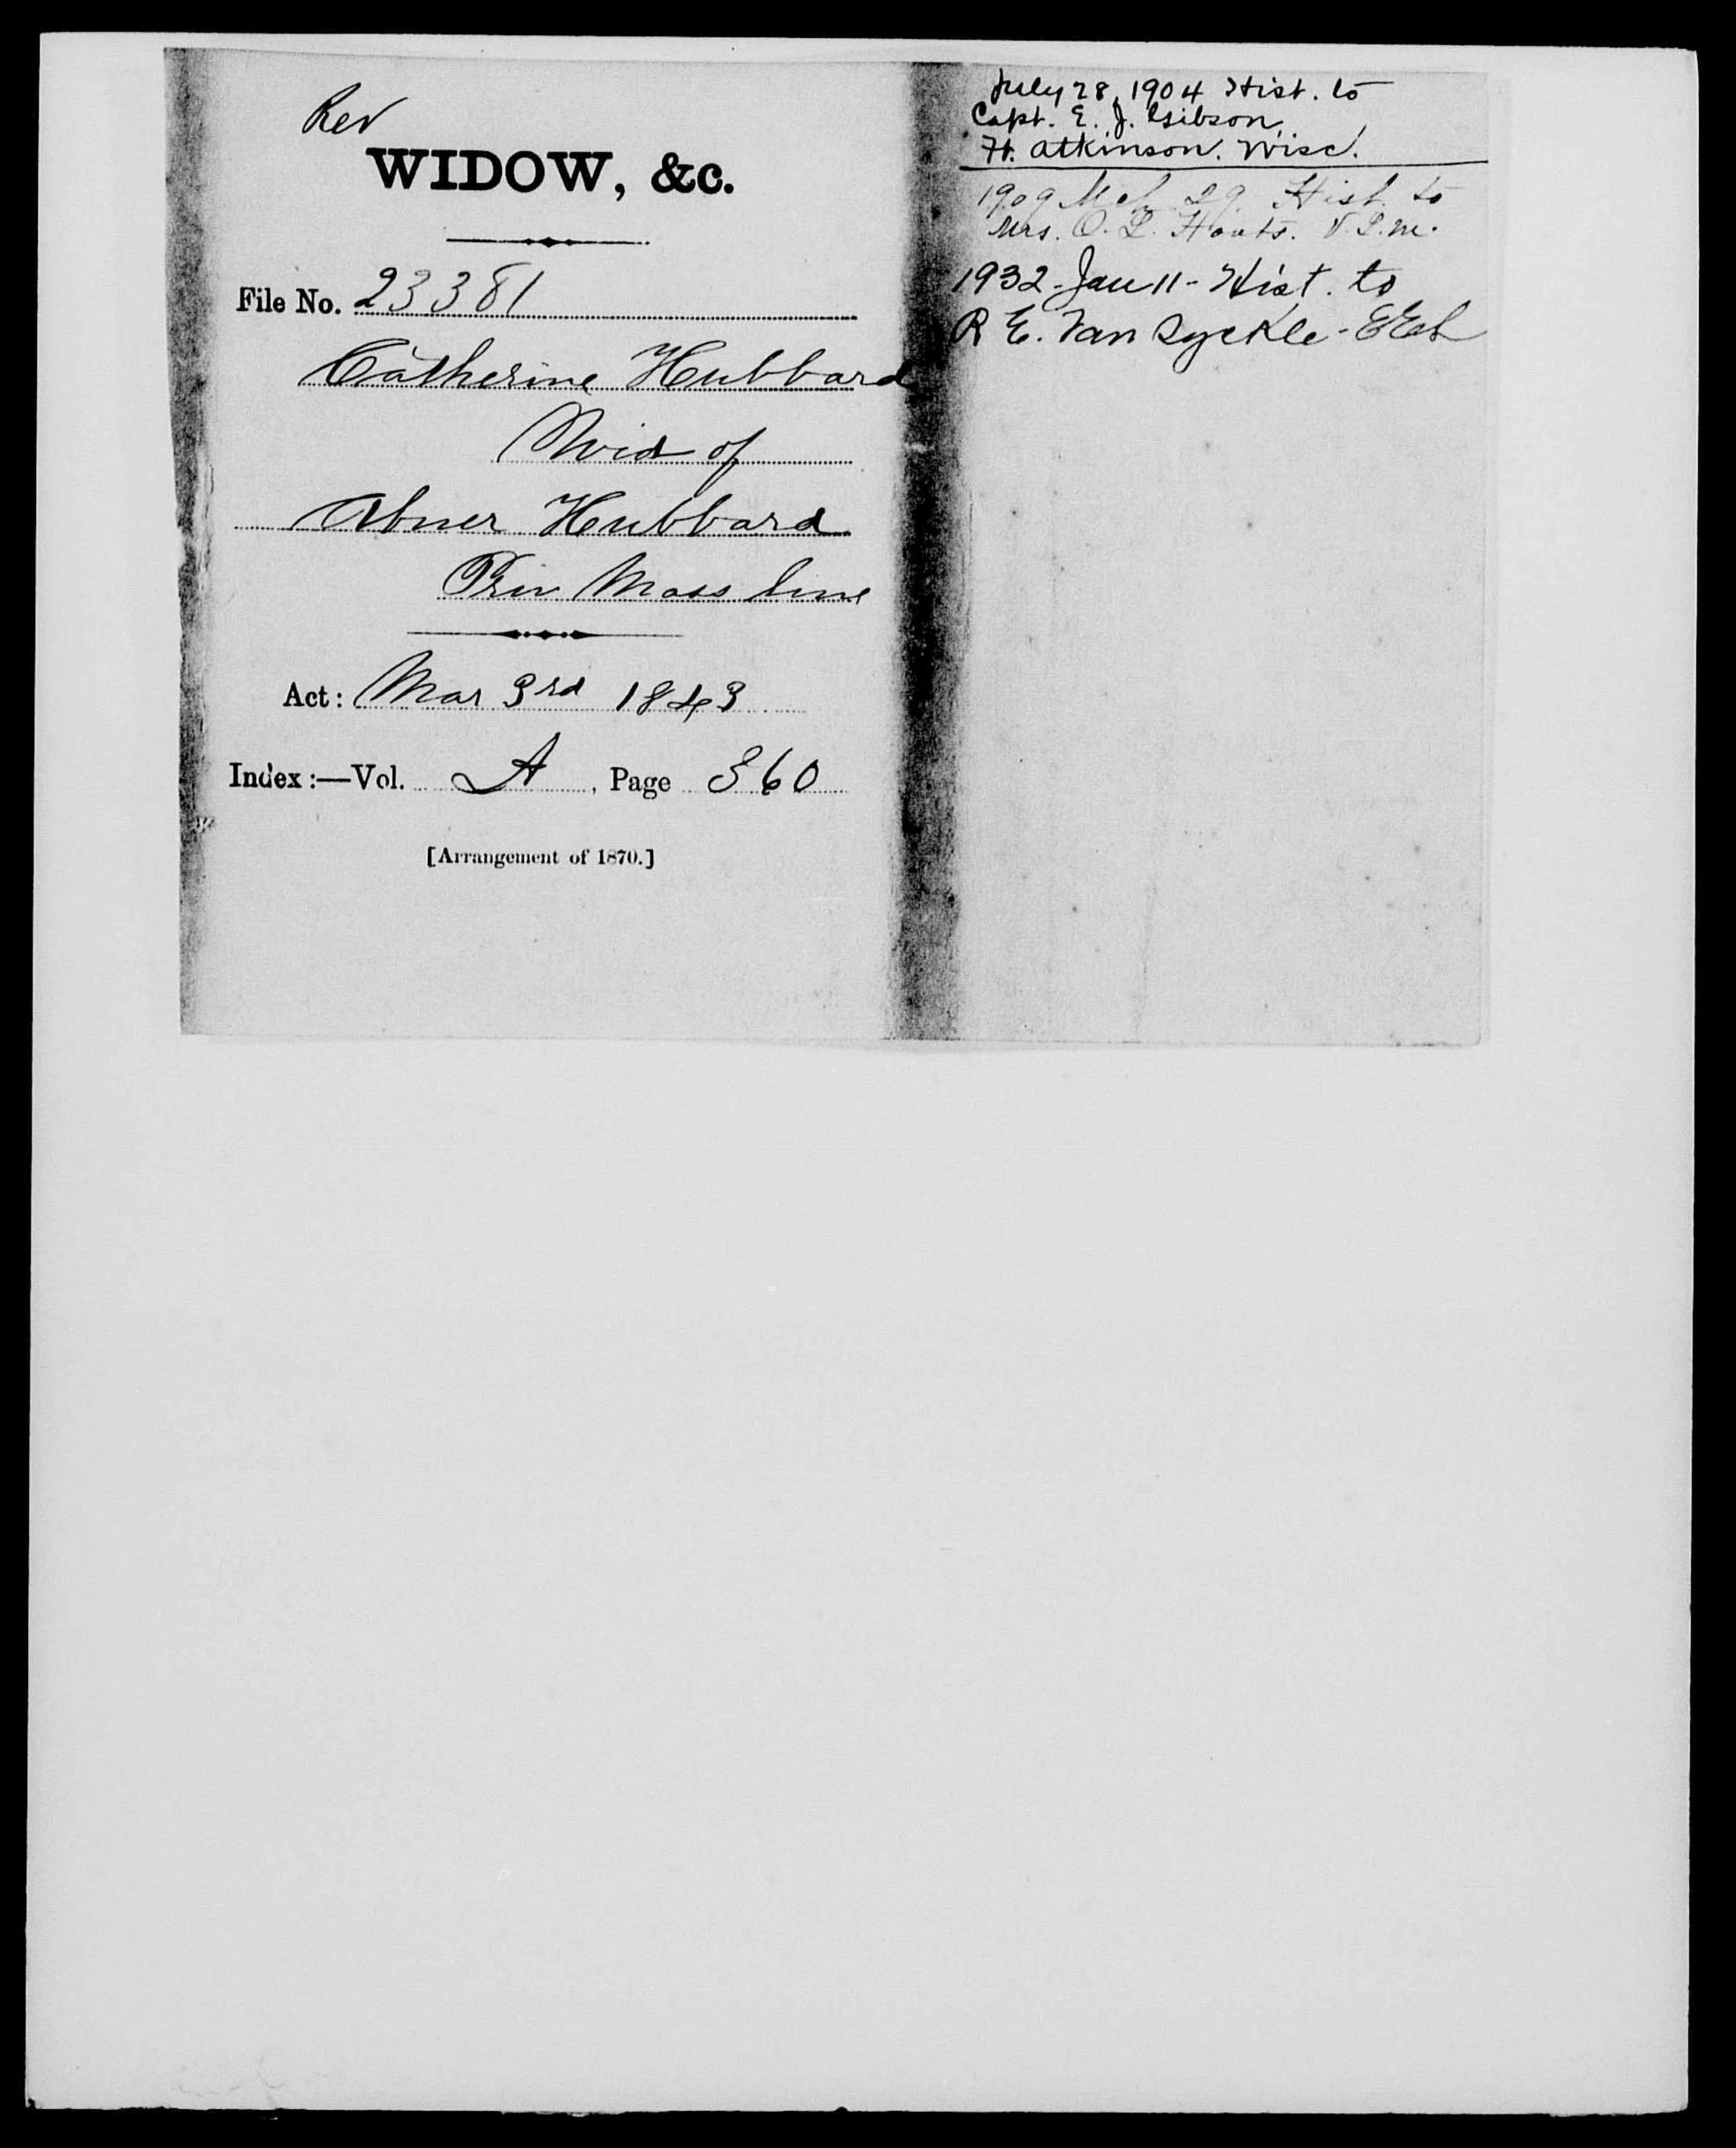Rev (Left side of image)
Widow, & C.
File No. 23381
Catherine Hubbard
Wife of Abner Hubbard
their Mass. home
March 3rd, 848
Index-Vol. A, Page 360
July 28, 1904 (Right side of image)
Capt. E.J. Gibson
Fort Atkinson, Wis.
1909 May 29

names: Abner Hubbard, R E Van Syckle, Catherine Hubbard, E J Gibson, O L Houts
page: 29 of 38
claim: widow's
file: W. 23,381, Abner Hubbard, Continental Mass.